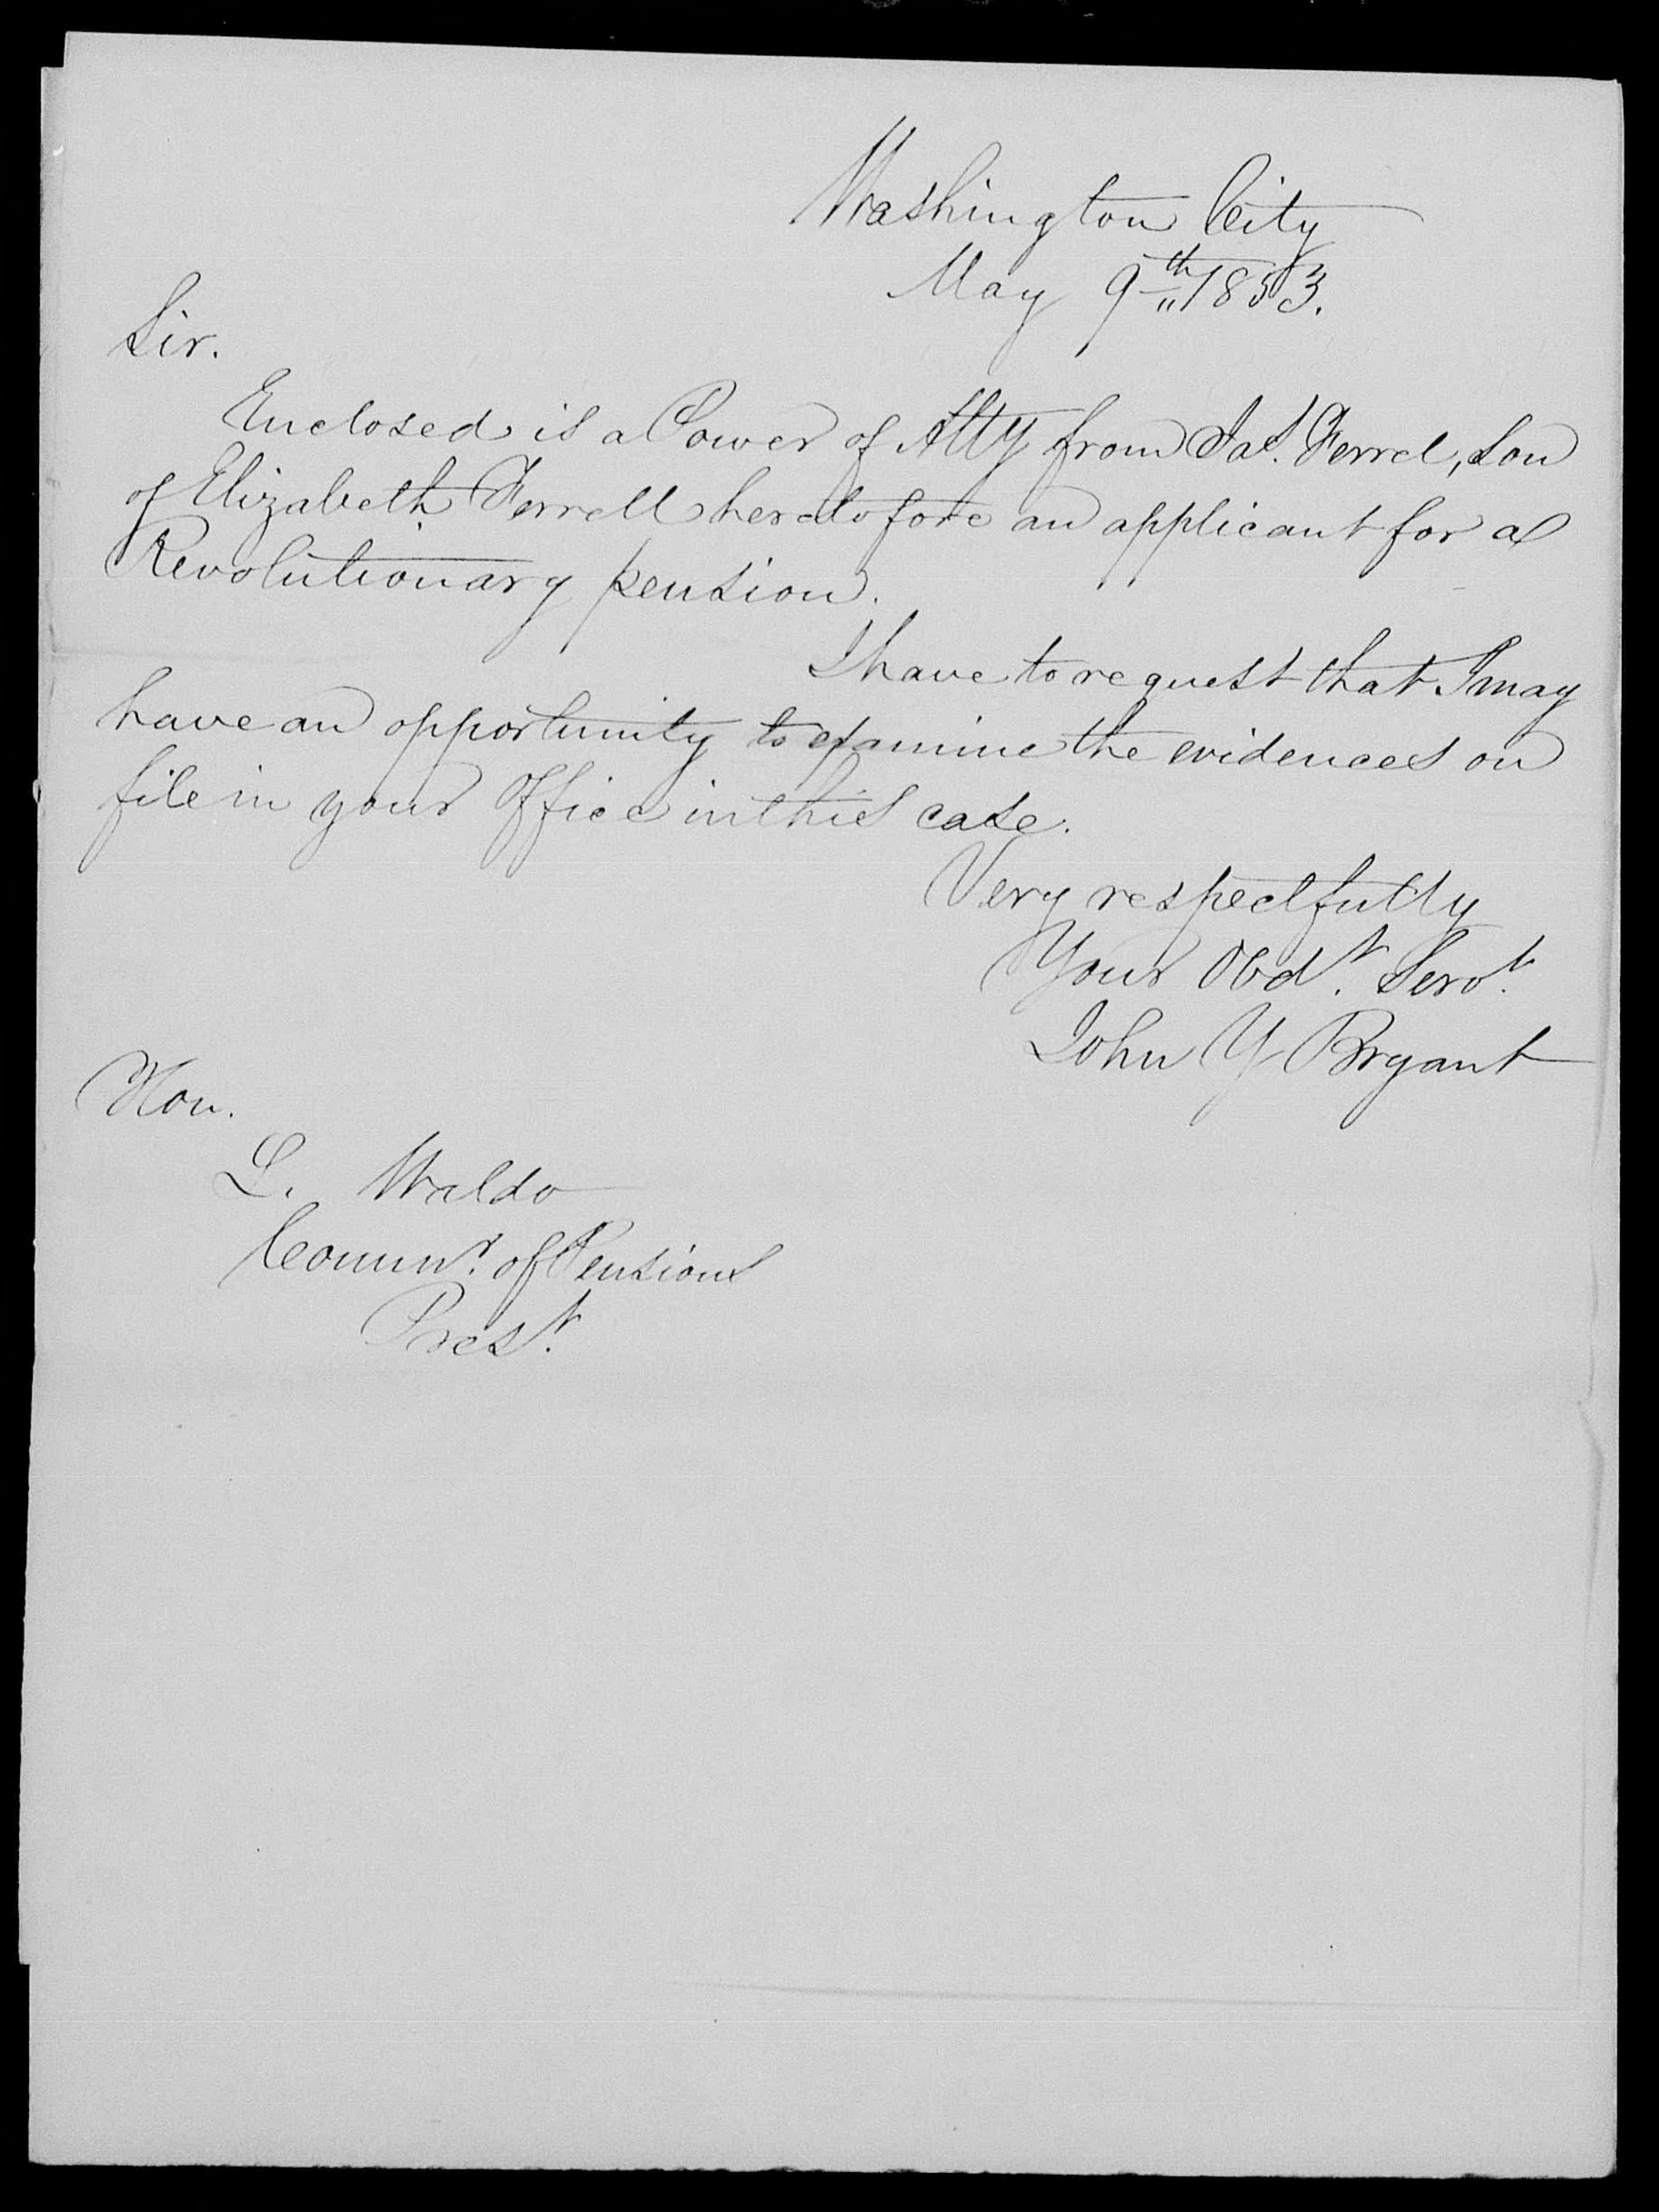Washington City
May 9th 1853
SIr,
Enclosed is a Power of Atty from John Fennell, son of Elizabeth Fennell heretofore an applicant for a Revolutionary pension.
I have to request that I may have an opportunity to examine the evidences on file in your office in this case.
Very respectfully
Your Obd. Ser.
John Y. Bryant
To. L. Waldron
Comm. of Pension
Pres.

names: Jas Ferrel, Elizabeth Ferrell, L Waldo, John Y Bryant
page: 44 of 52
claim: rejected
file: R. 3,512, John Ferrell, N.C.